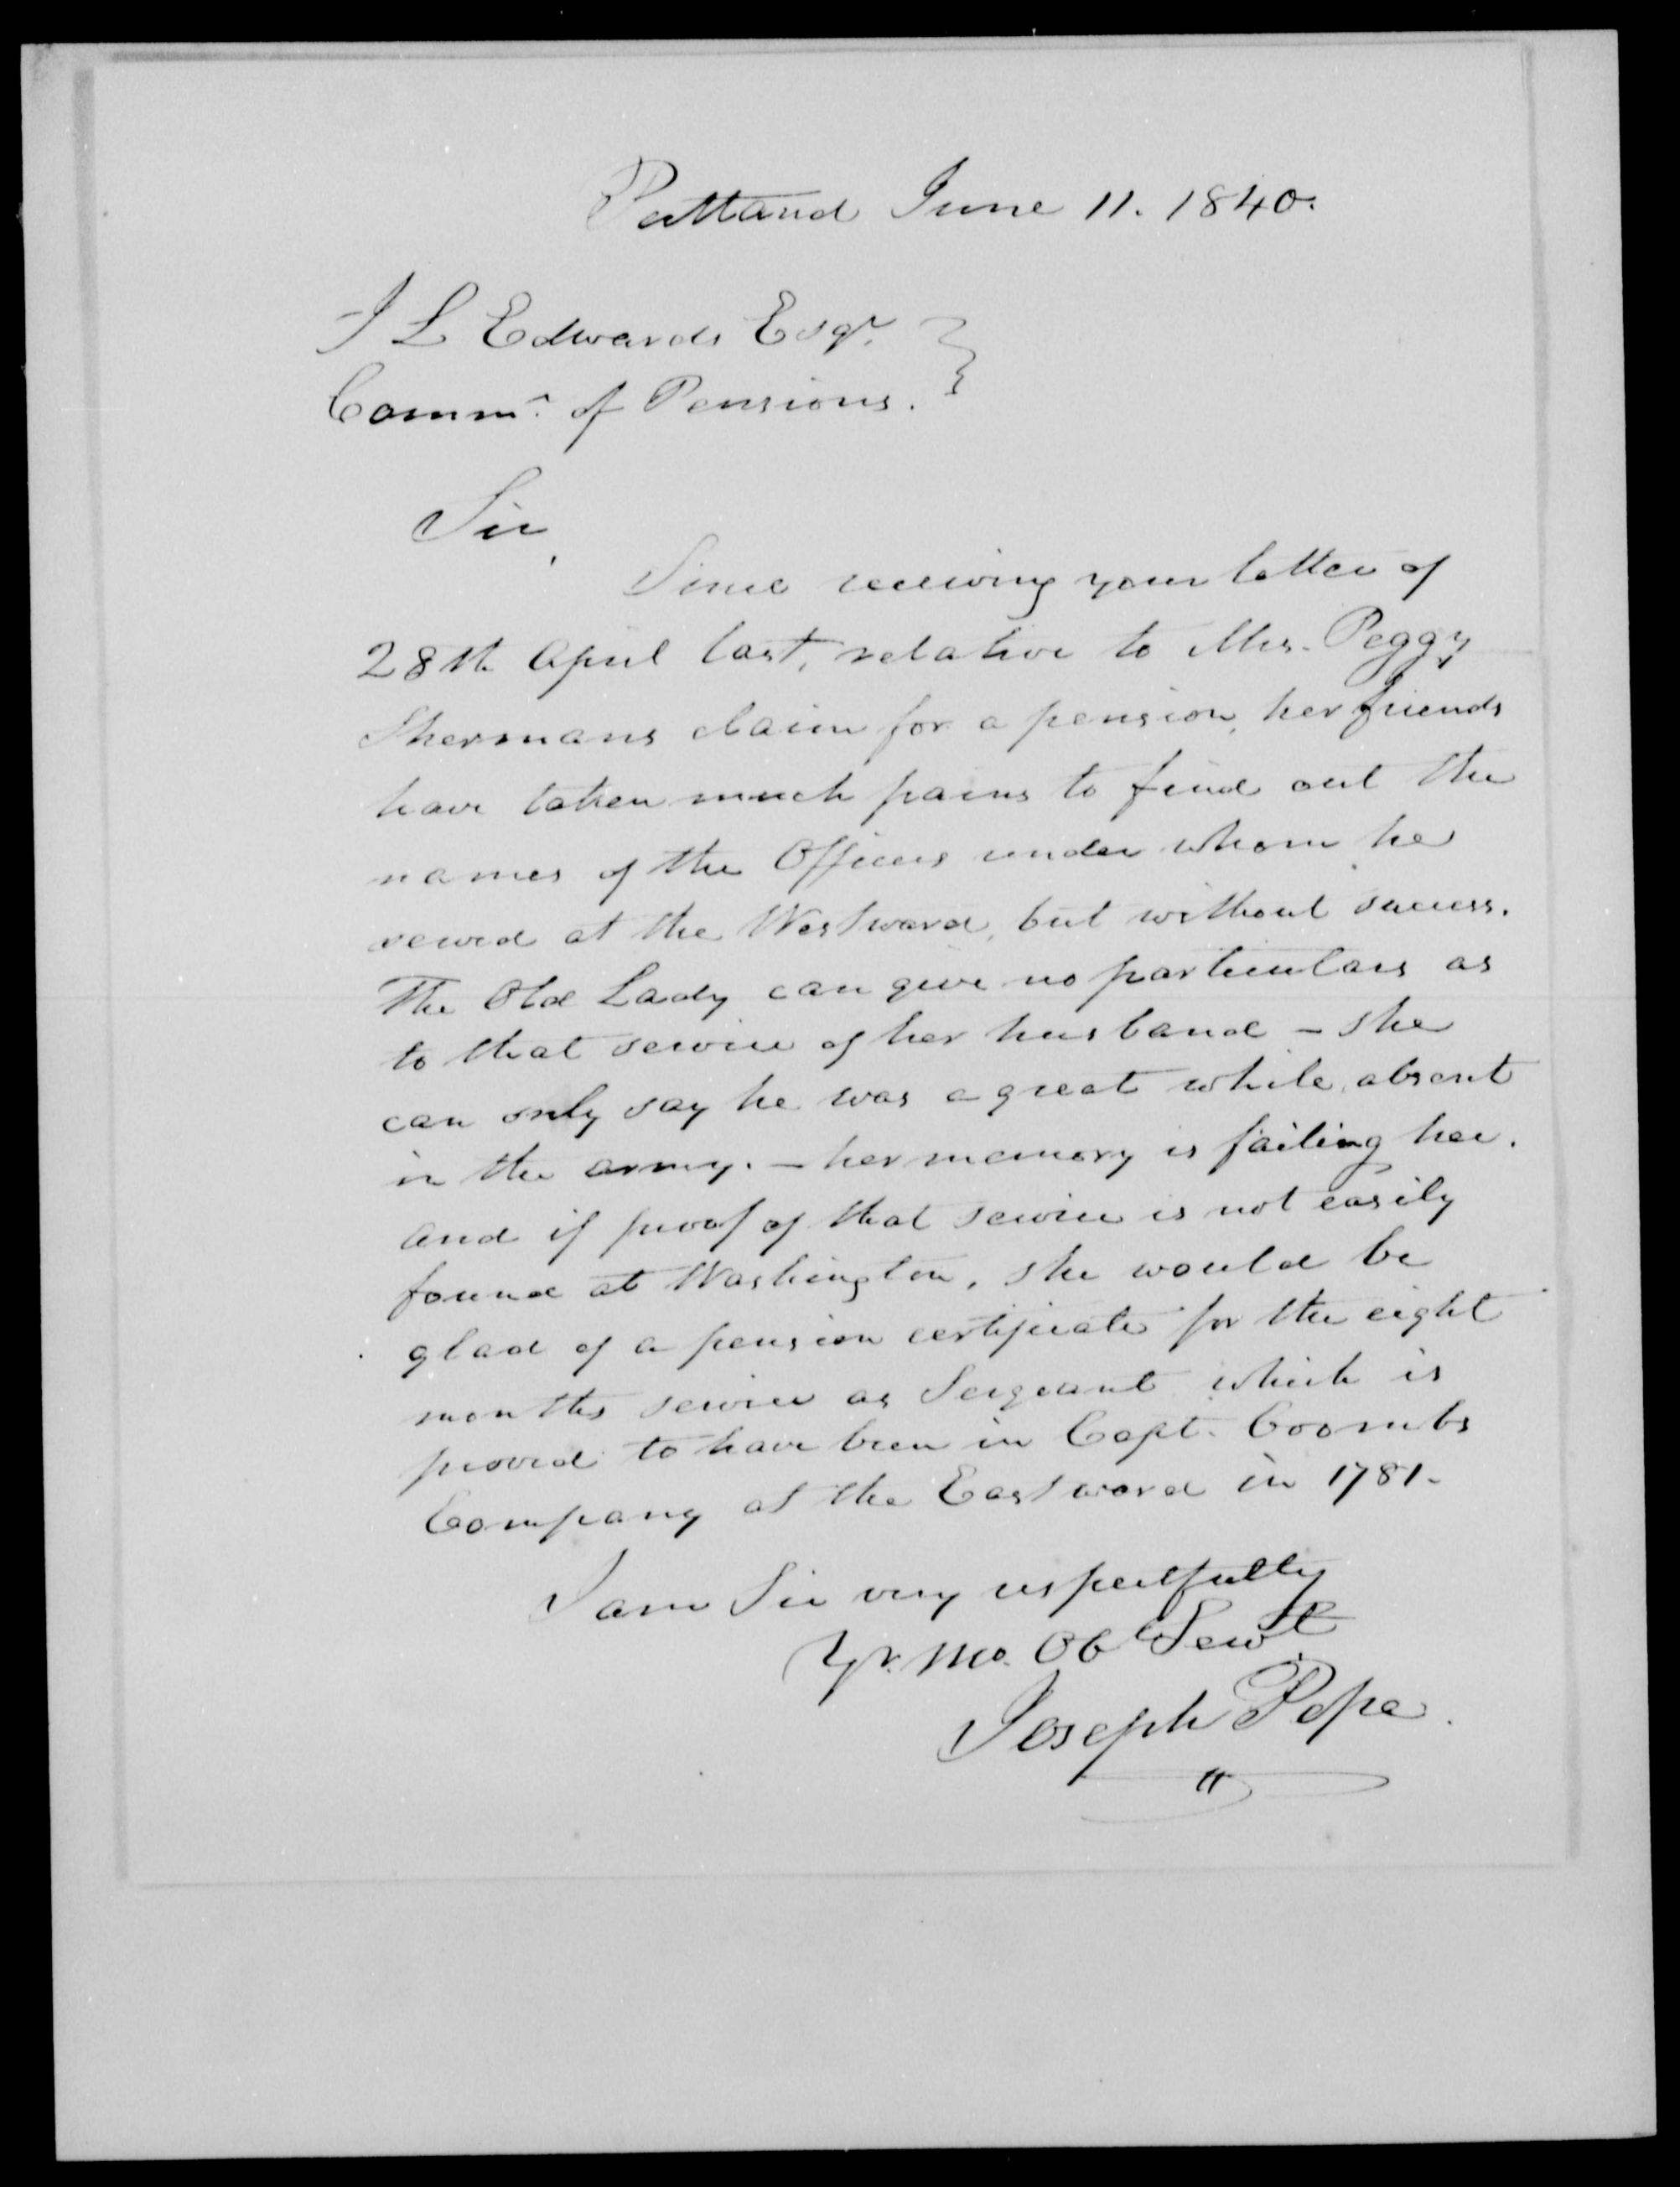[doc is written]

Portland June 11, 1840
J.L. Edwards Esqr}
Commr of Pensions}
Sir,
Since receiving your letter of
28th April last, relative to Mrs Peggy
Shermans claim for a pension her friends
have taken much pains to find out the
names of the Officers under whom he
served in the Westward, but without success.
The Old Lady can give no particulars as
to that service of her husband---she
can only say he was a great while about
in the army---her memory is failing her
and if proof of that service is not easily
found at Washington, she would be
glad of a pension certificate for the eight
months service as Sergeant which is
proved to have been in Capt. Combs
Company at the Eastward in 1781.
I am Sir very respectfully
Yr Mo Ob Sevt
Joseph Pope [name underlined]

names: Joseph Pope; Peggy Sherman; J L Edwards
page: 20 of 20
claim: widow's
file: W. 22,200, for James Sherman, Massachusetts